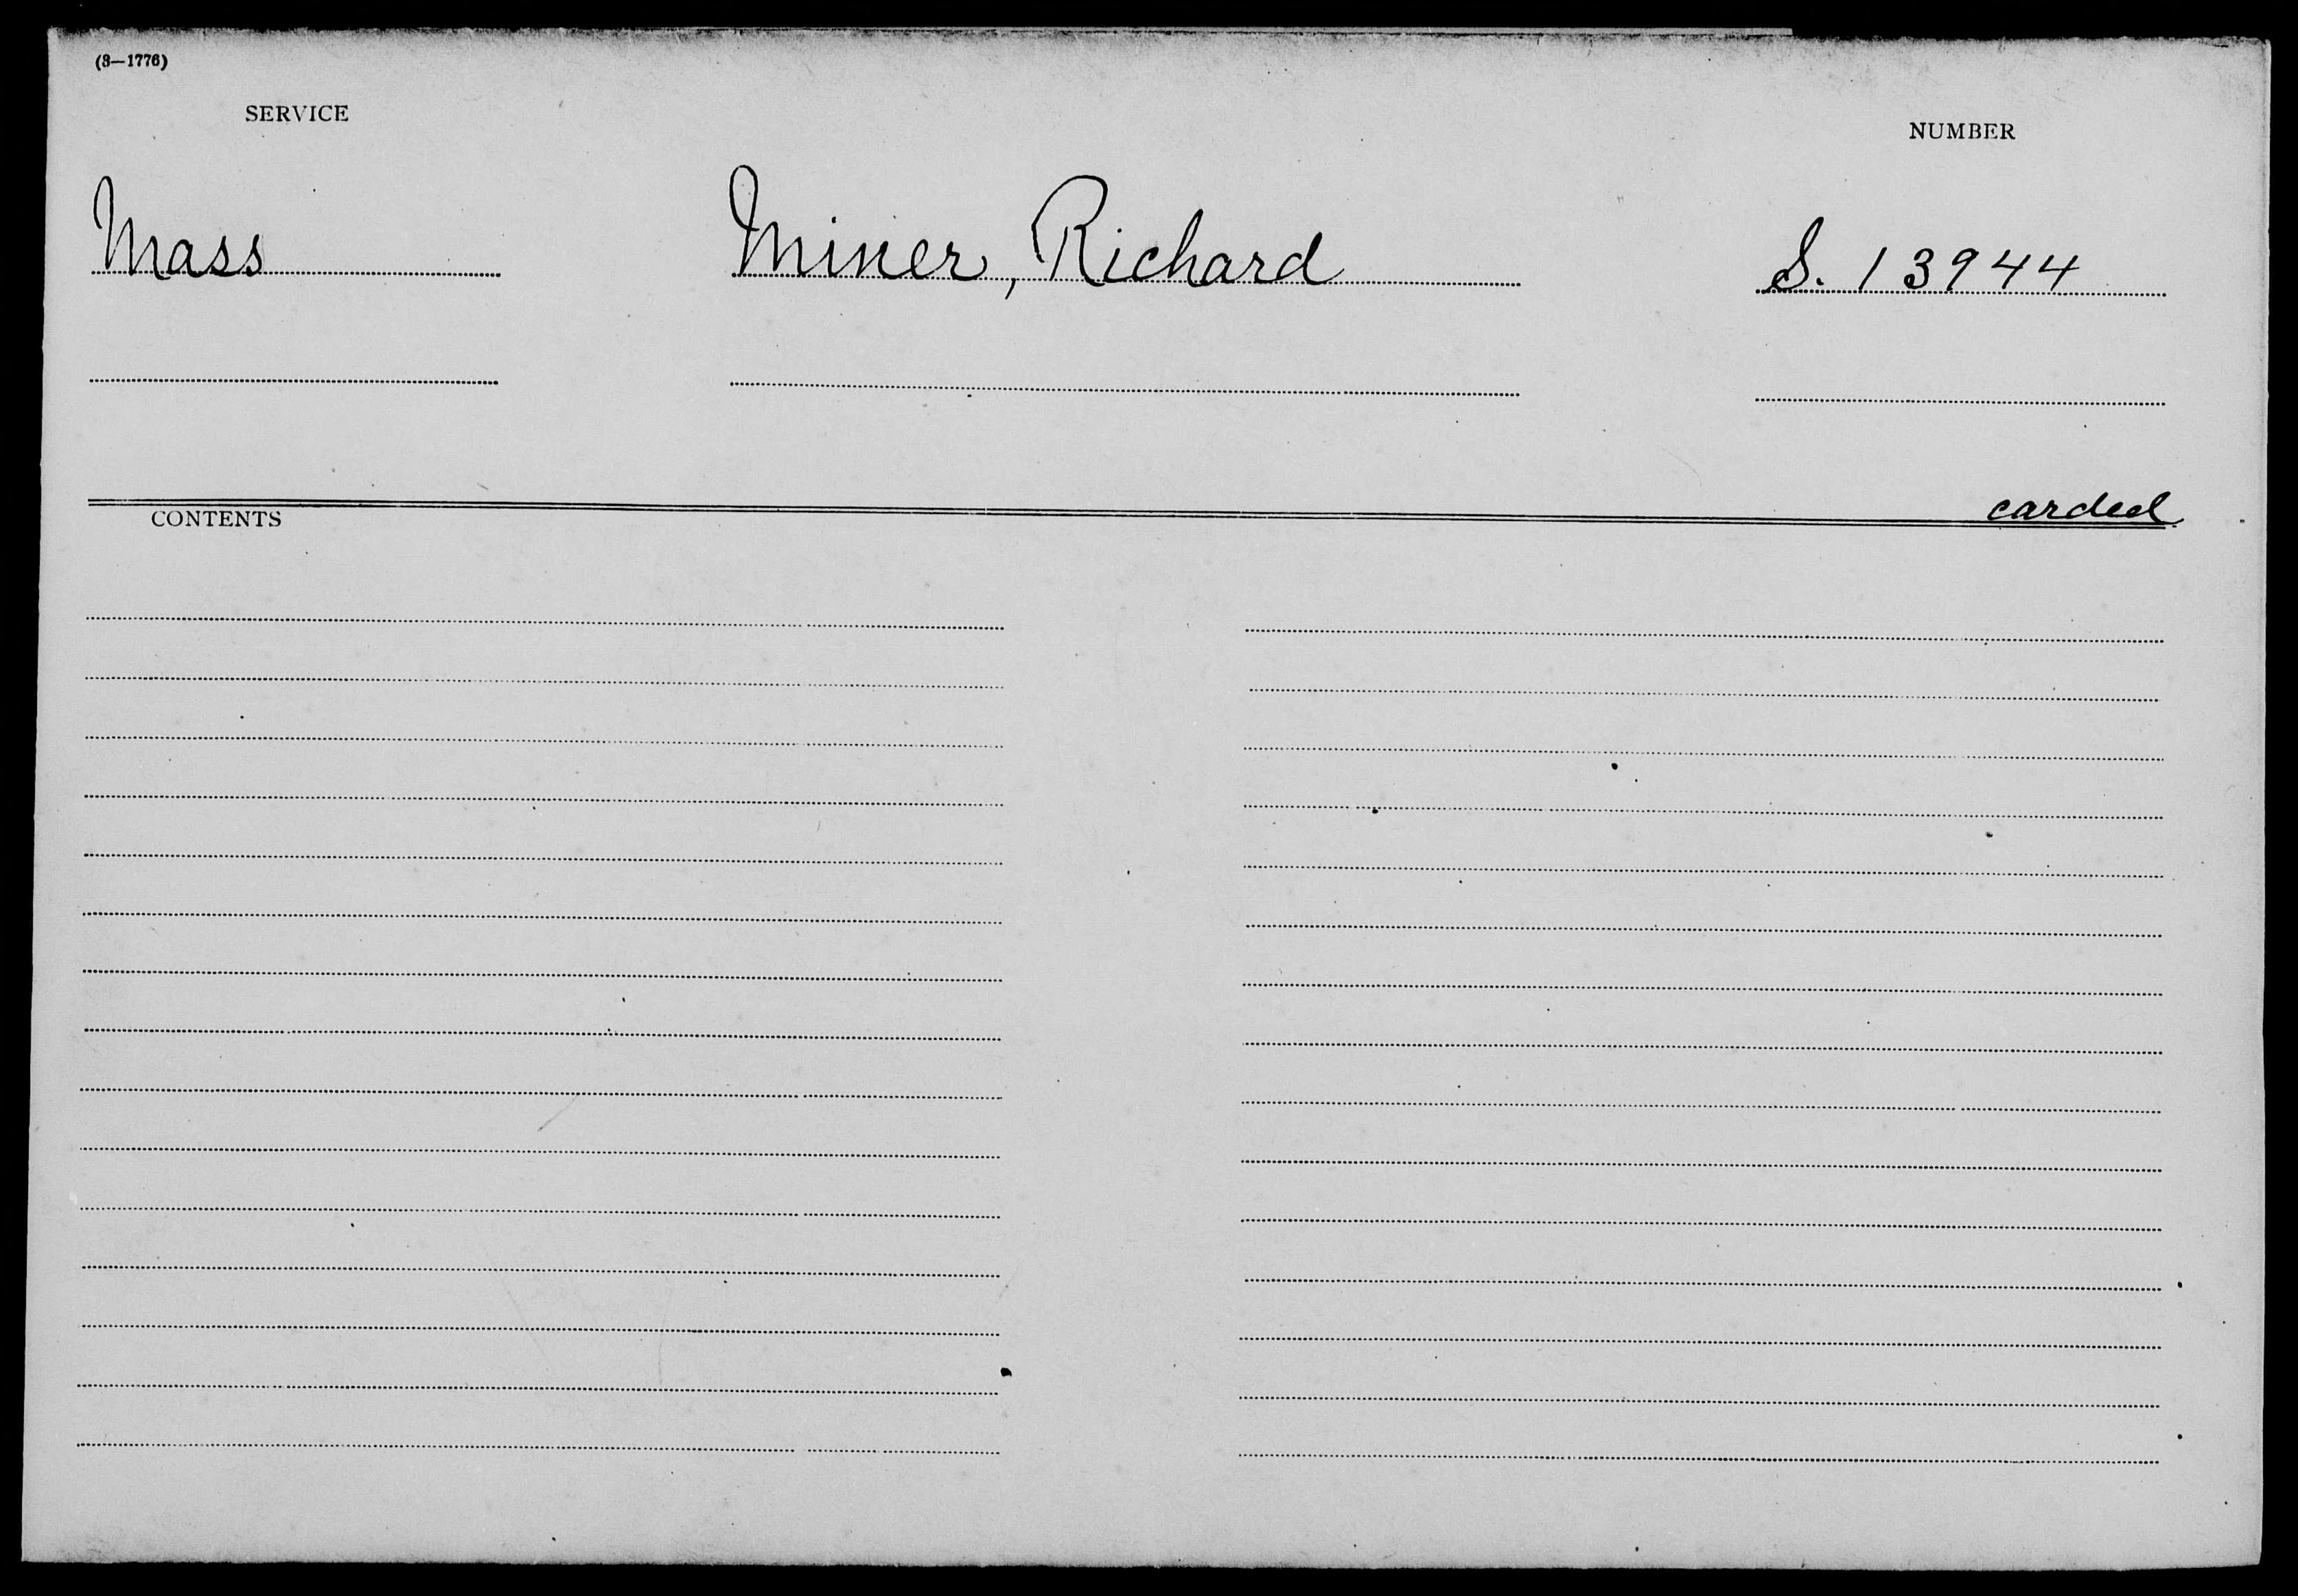(8-1776)
Service Number Mass. Miner, Richard S.13944  ...carded...Contents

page: 1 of 34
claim: survivor's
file: S. 13944, for Richard Miner, Massachusetts